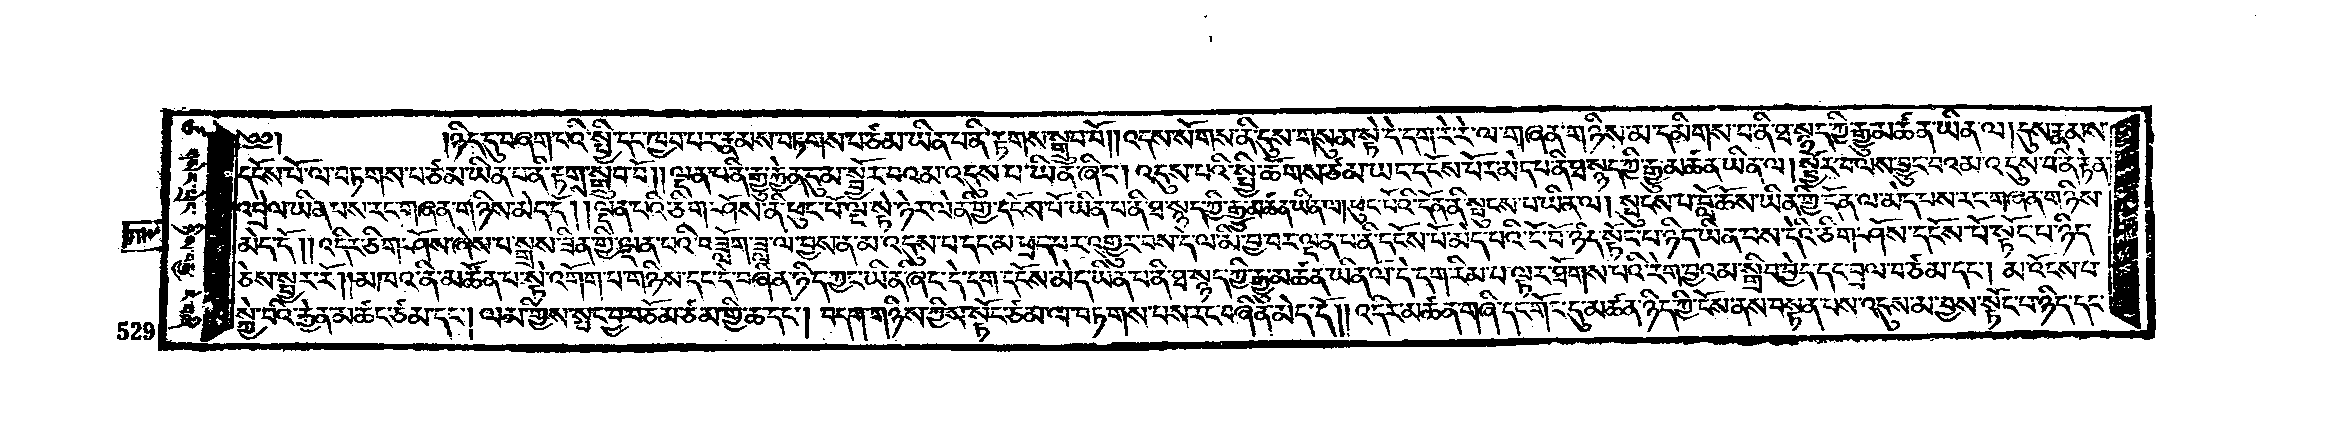༄༅། །ཉིད་དུ་བཞག་པའི་སྤྱི་དང་ཁྱབ་པར་རྣམས་བཏགས་པ་ཙམ་ཡིན་པ་ནི་རྟགས་སྒྲུབ་བོ། །འདས་སོགས་ནི་དུས་གསུམ་སྟེ་དེ་དག་རེ་རེ་ལ་གཞན་གཉིས་མ་དམིགས་པ་ནི་ཐ་སྙད་ཀྱི་རྒྱུ་མཚན་ཡིན་ལ། དུས་རྣམས་
དངོས་པོ་ལ་བཏགས་པ་ཙམ་ཡིན་པ་ནི་རྟགས་སྒྲུབ་བོ། །ལྡན་པ་ནི་རྒྱུ་རྐྱེན་དུ་མ་སྦྱོར་བའམ་འདུས་པ་ཡིན་ཞིང་། འདུས་པའི་སྤྱི་ཚོགས་ཙམ་ཡང་དངོས་པོར་མེད་པ་ནི་ཐ་སྙད་ཀྱི་རྒྱུ་མཚན་ཡིན་ལ། སྦྱོར་བ་ལས་བྱུང་བའམ་འདུས་པ་ནི་རྟེན་
འབྲེལ་ཡིན་པས་རང་གཞན་གཉིས་མེད་དོ། །ལྡན་པའི་ཅིག་ཤོས་ནི་ཕུང་པོ་ལྔ་སྟེ་ཉེར་ལེན་གྱི་དངོས་པོ་ཡིན་པ་ནི་ཐ་སྙད་ཀྱི་རྒྱུ་མཚན་ཡིན་ལ། ཕུང་པོའི་དོན་ནི་སྤུངས་པ་ཡིན་ལ། སྤུངས་པ་བློ་ཆོས་ཡིན་གྱི་དོན་ལ་མེད་པས་རང་གཞན་གཉིས་
མེད་དོ། །འདིར་ཅིག་ཤོས་ཞེས་པ་སྒྲས་ཟིན་གྱི་ལྡན་པའི་བཟློག་ཟླ་ལ་བྱས་ན་མ་འདུས་པ་དང་མ་ཕྲད་པར་འགྱུར་བས་དེ་ལ་མི་བྱ་བར་ལྡན་པ་ནི་དངོས་པོ་མེད་པའི་ངོ་བོ་ཉིད་སྟོང་པ་ཉིད་ཡིན་པས་དེའི་ཅིག་ཤོས་དངོས་པོ་སྟོང་པ་ཉིད་
ཅེས་སྦྱར་རོ། །མཁའ་ནི་མཚོན་པ་སྟེ་འགོག་པ་གཉིས་དང་དེ་བཞིན་ཉིད་ཀྱང་ཡིན་ཞིང་དེ་དག་དངོས་མེད་ཡིན་པ་ནི་ཐ་སྙད་ཀྱི་རྒྱུ་མཚན་ཡིན་ལ་དེ་དག་རིམ་པ་ལྟར་ཐོགས་པའི་རེག་བྱའམ་སྒྲིབ་བྱེད་དང་བྲལ་བ་ཙམ་དང་། མ་འོངས་པ་
སྐྱེ་བའི་རྐྱེན་མ་ཚང་ཙམ་དང་། ལམ་གྱིས་སྤང་བྱ་བཅོམ་ཙམ་གྱི་ཆ་དང་། བདག་གཉིས་ཀྱིས་སྟོང་ཙམ་ལ་བཏགས་པས་རང་བཞིན་མེད་དོ། །འདིར་མཚན་གཞི་དང་གོང་དུ་མཚན་ཉིད་ཀྱི་ངོས་ནས་བསྟན་པས་འདུས་མ་བྱས་སྟོང་པ་ཉིད་དང་